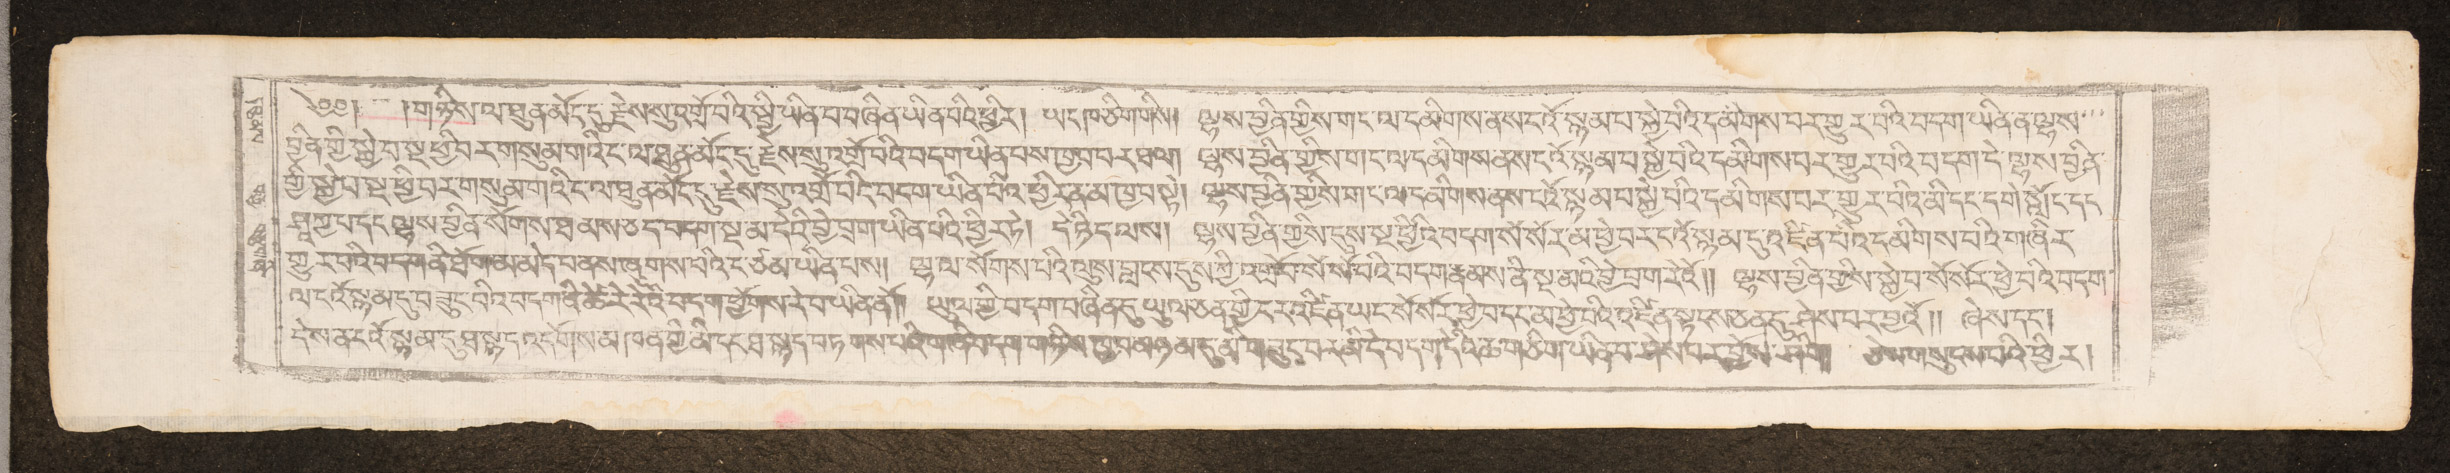༄༅། །གཉིས་ལ་ཐུན་མོང་དུ་རྗེས་སུ་འགྲོ་བའི་སྤྱི་ཡིན་པ་བཞིན་ཡིན་པའི་ཕྱིར། ཡང་ཁ་ཅིག་གིས། ལྷས་བྱིན་གྱིས་གང་ལ་དམིགས་ནས་ངའོ་སྙམ་པ་སྐྱེ་བའི་དམིགས་པར་གྱུར་བའི་བདག་ཡིན་ན་ལྷས་
བྱིན་གྱི་སྐྱེ་བ་སྔ་ཕྱི་བར་གསུམ་གའི་ང་ལ་ཐུན་མོང་དུ་རྗེས་སུ་འགྲོ་བའི་བདག་ཡིན་པས་ཁྱབ་པར་ཐལ། །ལྷས་བྱིན་གྱིས་གང་ལ་དམིགས་ནས་ངའོ་སྙམ་པ་སྐྱེ་བའི་དམིགས་པར་གྱུར་བའི་བདག་དེ་ལྷས་བྱིན་
གྱི་སྐྱེ་བ་སྔ་ཕྱི་བར་གསུམ་གའི་ང་ལ་ཐུན་མོང་དུ་རྗེས་སུ་འགྲོ་བའི་བདག་ཡིན་པའི་ཕྱིར་ན་མ་ཀྱེ་བ་སྟེ། ལྷས་བྱིན་གྱིས་གང་ལ་དམིགས་ནས་ངའོ་སྙམ་པ་སྐྱེ་བའི་དམིགས་པར་གྱུར་བའི་མི་དང་དགེ་སློང་དང་
ཤཱཀྱ་པ་དང་། ལྷས་བྱིན་སོགས་ཐམས་ཅད་བདག་སྔ་མ་དེའི་བྱེ་བྲག་ཡིན་པའི་ཕྱིར་ཏེ། དེ་ཉིད་ལས། ལྷས་བྱིན་གྱིས་དུས་སྔ་ཕྱིའི་བདག་སོ་སོར་མ་ཕྱེ་བར་ངའོ་སྙམ་དུ་འཛིན་པའི་དམིགས་པའི་གཞིར་
གྱུར་བའི་བདག་ནི་མ་མེད་པ་ནས་ཞུགས་པའི་ང་ཙམ་ཡིན་པས། ལྷ་ལ་སོགས་པའི་ལུས་བླངས་དུས་ཀྱི་འགྲོ་བ་སོ་སོ་བའི་བདག་རྣམས་ནི་སྔ་མའི་བྱེ་བྲག་རེའོ།། ལྷས་བྱིན་གྱིས་སྐྱེ་བ་སོ་སོར་ཕྱེ་བའི་བདག་
ལ་ངའོ་སྙམ་དུ་བཟུང་བའི་བདག་ནི་ཚེ་རེ་རེའི་བདག་ཕྱོགས་རེ་བ་ཡིན་ནོ།། ཡུལ་གྱི་བདག་བཞིན་དུ་ཡུལ་ཅན་གྱི་ངར་འཛིན་ཡང་སོ་སོར་ཕྱེ་བ་དང་མ་ཕྱེ་བའི་འཛིན་ལྟངས་ཅན་དུ་ཤེས་པར་བྱའོ། །ཞེས་དང་།
དེས་ན་ངའོ་སྙམ་དུ་ཐ་སྙད་འདོགས་མཁན་གྱི་མི་དང་ཐ་སྙད་བཏགས་པའི་གཞི་བདག་གཉིས་ཁྱབ་མཉམ་དུ་མི་གཟུང་བར་མི་དེ་བདག་དེའི་ཆ་གཅིག་ཡིན་པ་ཤེས་པར་བྱོས་ཤིག། ཅེས་གསུངས་པའི་ཕྱིར།